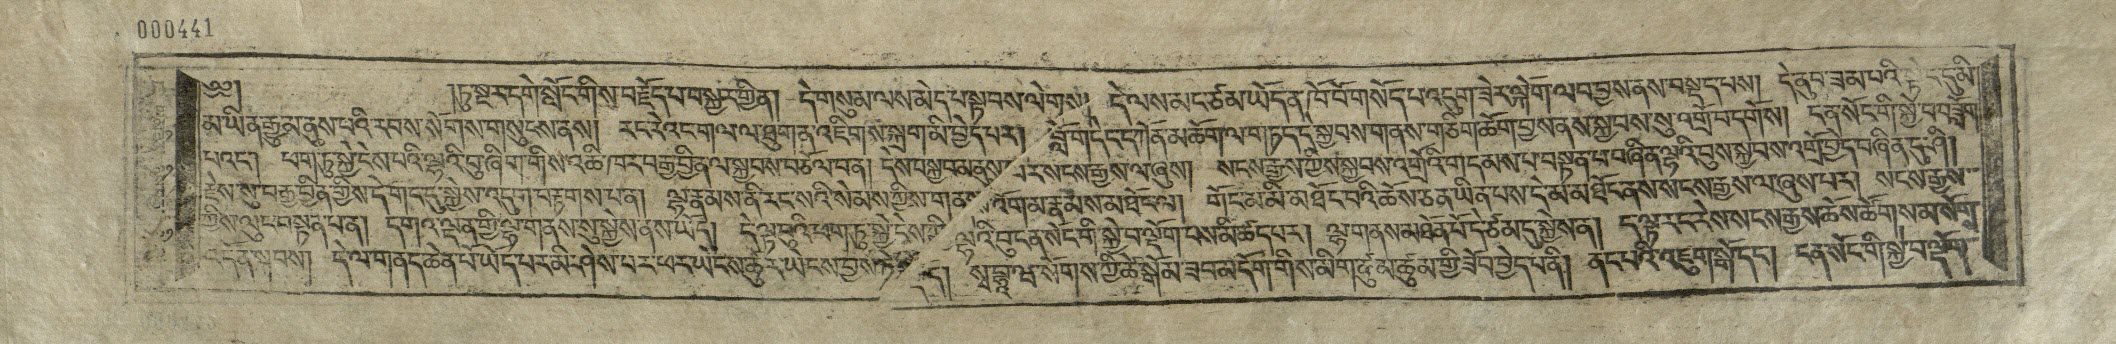༄༅། །ཏུ་སྔར་དགེ་སློང་གིས་བརྗོད་པ་བསྐྱར་གྱིན། དེ་གསུམ་ལས་མེད་པ་སྟབས་ལེགས། དེ་ལས་མང་ཙམ་ཡོད་ན་ཁོ་བོ་གསོད་པ་འདུག་ཟེར་ལྐོག་ལབ་བྱས་ནས་བསྡད་པས། དེ་ནུབ་ཟམ་པའི་སྟེང་དུ་མི་
མ་ཡིན་རྒྱུ་མ་ནུས་པའི་རབས་སོགས་གསུངས་ནས། རང་རེའང་གལ་ལ་ཐུག་ན་འཇིགས་སྐྲག་མི་བྱེད་པར། བློ་གདེང་དཀོན་མཆོག་ལ་གཏད་དེ་སྐྱབས་གནས་གཅིག་ཆོག་བྱས་ནས་སྐྱབས་སུ་འགྲོ་བ་དགོས། ངན་སོང་གི་སྐྱེ་བ་བཟློག་
པའང་། ཕག་ཏུ་སྐྱེ་ངེས་པའི་ལྷའི་བུ་ཞིག་གིས་འཆི་ཁར་བརྒྱ་བྱིན་ལ་སྐྱབས་བཅོལ་བ་ན། དེས་བསྐྱབ་མ་ནུས་པར་སངས་རྒྱས་ལ་ཞུས། སངས་རྒྱས་ཀྱིས་སྐྱབས་འགྲོའི་གདམས་པ་བསྟན་པ་བཞིན་ལྷའི་བུས་སྐྱབས་འགྲོ་བྱེད་བཞིན་དུ་ཤི།
རྗེས་སུ་བརྒྱ་བྱིན་གྱིས་དེ་གང་དུ་སྐྱེས་འདུག་བརྟགས་པ་ན། ལྷ་རྣམས་ནི་རང་སའི་སེམས་ཀྱིས་གནས་འོག་མ་རྣམས་མཐོང་ལ། གོང་མ་མི་མཐོང་བའི་ཆོས་ཅན་ཡིན་པས་དེ་མ་མཐོང་ནས་སངས་རྒྱས་ལ་ཞུས་པར། སངས་རྒྱས་
ཀྱིས་ལུང་བསྟན་པ་ན། དགའ་ལྡན་གྱི་ལྷ་གནས་སུ་སྐྱེས་ནས་ཡོད། དེ་ལྟ་བུའི་ཕག་ཏུ་སྐྱེ་ངེས་ཀྱི་ལྷའི་བུ་ངན་སོང་གི་སྐྱེ་བ་ལྡོག་པས་མི་ཚད་པར། ལྷ་གནས་མཐོན་པོ་དེ་ཙམ་དུ་སྐྱེས་ན། ད་ལྟ་རང་རེས་སངས་རྒྱས་ཆོས་ཚོགས་མ་སོགས་
འདོན་སྐབས། དེ་ལ་གནད་ཆེན་པོ་ཡོད་པར་མི་ཤེས་པར་ཕར་ཡེངས་ཚུར་ཡེངས་བྱས་ཏེ་སྡོད། སྭ་བྷཱ་ཝ་སོགས་ཀྱི་ཚེ་སྒོམ་ཟབ་མདོག་གིས་མིག་ཚུམ་ཚུམ་གྱི་ཟོབ་བྱེད་པ་ནི། ནང་པའི་འཇུག་སྒོ་དང་། ངན་སོང་གི་སྐྱེ་བ་ལྡོག་